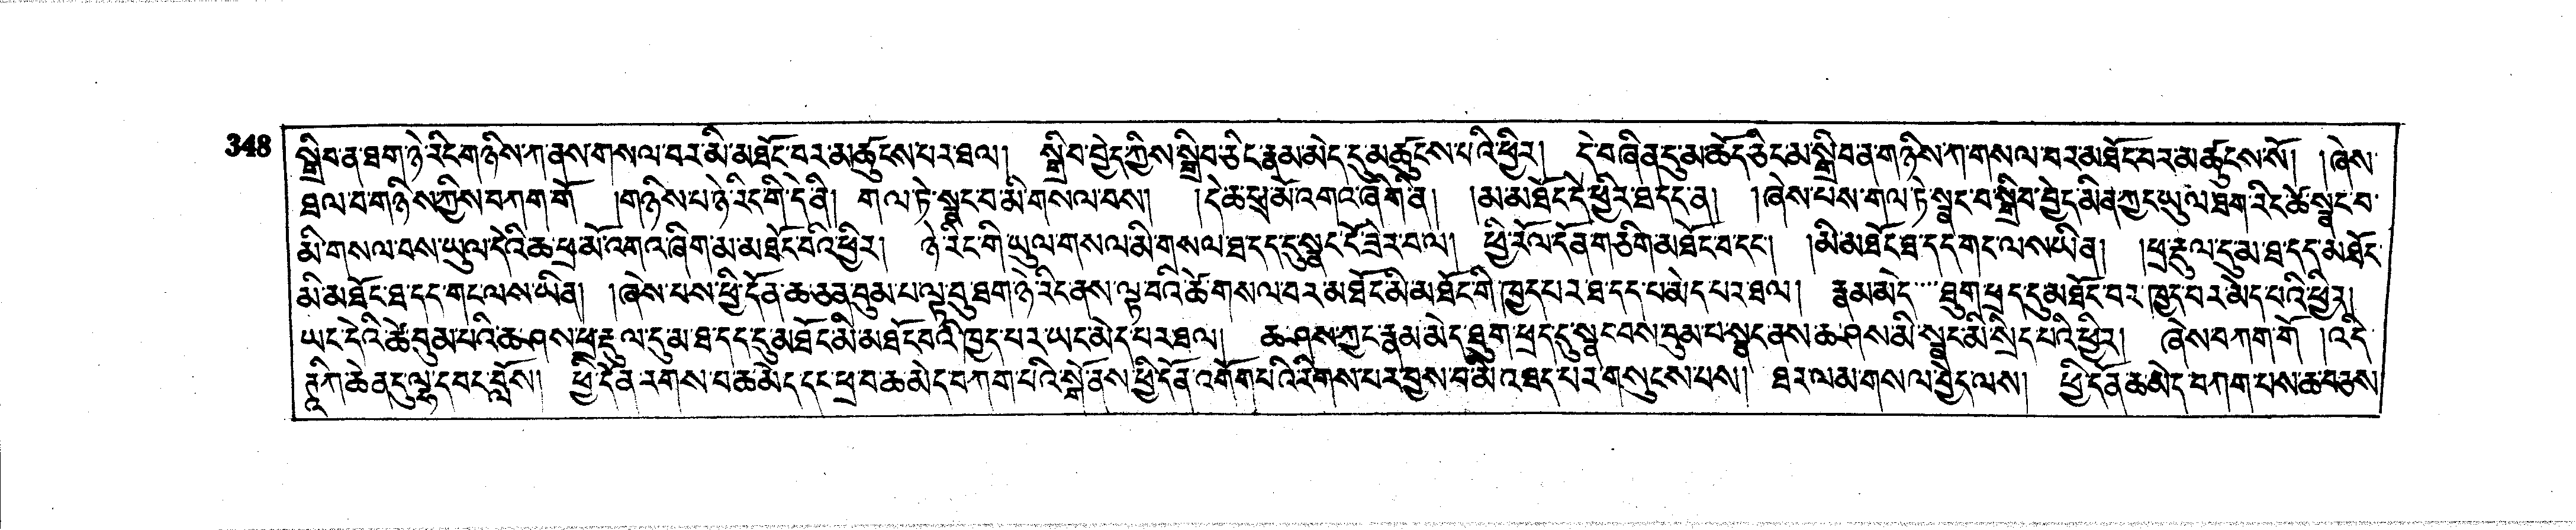སྒྲིབ་ན་ཐག་ཉེ་རིང་གཉིས་ཀ་ནས་གསལ་བར་མི་མཐོང་བར་མཚུངས་པར་ཐལ། སྒྲིབ་བྱེད་ཀྱིས་སྒྲིབ་ཅིང་རྣམ་མེད་དུ་མཚུངས་པའི་ཕྱིར། དེ་བཞིན་དུ་མ་ཆོད་ཅིང་མ་སྒྲིབ་ན་གཉིས་ཀ་གསལ་བར་མཐོང་བར་མཚུངས་སོ། །ཞེས་
ཐལ་བ་གཉིས་ཀྱིས་བཀག་གོ །གཉིས་པ་ཉེ་རིང་གི་དེ་ནི། གལ་ཏེ་སྣང་བ་མི་གསལ་བས། །དེ་ཆ་ཕྲ་མོ་འགའ་ཞིག་ནི། །མ་མཐོང་དེ་ཕྱིར་ཐ་དང་ན། །ཞེས་པས་གལ་ཏེ་སྣང་བ་སྒྲིབ་བྱེད་མིན་ཀྱང་ཡུལ་ཐག་རིང་ཚེ་སྣང་བ་
མི་གསལ་བས་ཡུལ་དེའི་ཆ་ཕྲ་མོ་འགའ་ཞིག་མ་མཐོང་བའི་ཕྱིར། ཉེ་རིང་གི་ཡུལ་གསལ་མི་གསལ་ཐ་དད་དུ་སྣང་ངོ་ཟེར་བ་ལ། ཕྱི་རོལ་དོན་གཅིག་མཐོང་བ་དང་། །མི་མཐོང་ཐ་དད་གང་ལས་ཡིན། །ཕྲ་རྡུལ་དུ་མ་ཐ་དད་མཐོང་
མི་མཐོང་ཐ་དད་གང་ལས་ཡིན། །ཞེས་པས་ཕྱི་དོན་ཆ་ཅན་བུམ་པ་ལྟ་བུ་ཐག་ཉེ་རིང་ནས་ལྟ་བའི་ཚེ་གསལ་བར་མཐོང་མི་མཐོང་གི་ཁྱད་པར་ཐ་དད་པ་མེད་པར་ཐལ། རྣམ་མེད་ཐུག་ཕྲད་དུ་མཐོང་བར་ཁྱད་པར་མེད་པའི་ཕྱིར།
ཡང་དེའི་ཚེ་བུམ་པའི་ཆ་ཤས་ཕྲ་རྡུལ་དུ་མ་ཐ་དད་དུ་མཐོང་མི་མཐོང་བའི་ཁྱད་པར་ཡང་མེད་པར་ཐལ། ཆ་ཤས་ཀྱང་རྣམ་མེད་ཐུག་ཕྲད་དུ་སྣང་བས་བུམ་པ་སྣང་ནས་ཆ་ཤས་མི་སྣང་མི་སྲིད་པའི་ཕྱིར། ཞེས་བཀག་གོ །འདི་
ཊཱིཀ་ཆེན་དུ་ལྷ་དབང་བློས། ཕྱི་དོན་རགས་པ་ཆ་མེད་དང་ཕྲ་བ་ཆ་མེད་བཀག་པའི་སྒོ་ནས་ཕྱི་དོན་འགོག་པའི་རིགས་པར་བྱས་པ་མི་འཐད་པར་གསུངས་པས། ཐར་ལམ་གསལ་བྱེད་ལས། ཕྱི་དོན་ཆ་མེད་བཀག་པས་ཆ་བཅས་